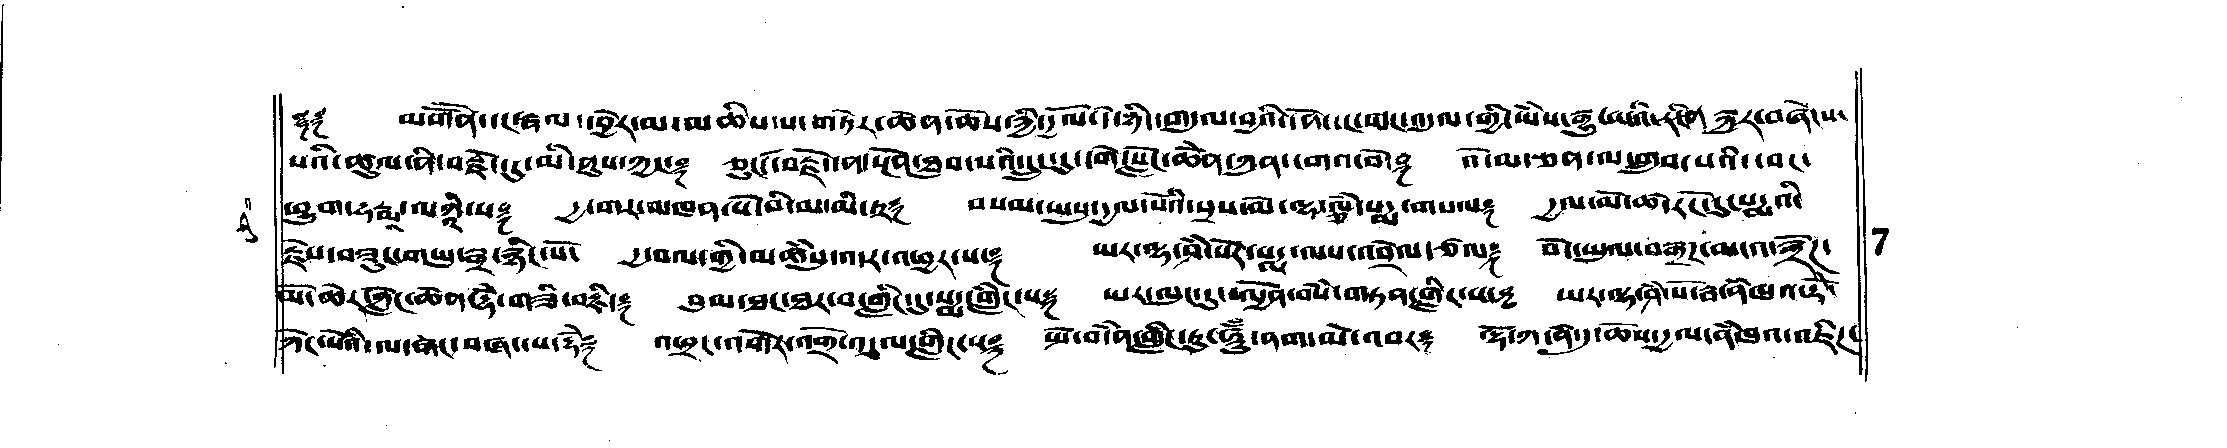མགོན་པོ་དང་རྣམ་དབྱེར་མ་མཆིས་པ་གཏེར་ཆེན་ཆོས་ཀྱི་རྒྱལ་པོ་དེ་ཉིད་གདུལ་བྱའི་དོན་དང་གང་འདུལ་གྱི་ཡེ་ཤེས་སྒྱུ་མའི་རང་བཞིན་སྐུར་བཞེངས་
པའི་ཚུལ་ནི་བརྗོད་དུ་མི་ནུས་ཀྱང་། ཅུང་ཟད་བརྗོད་ན་སྔོན་ཐུབ་པའི་དྲུང་དུ་དགེ་སློང་ཆེན་པོ་ཀུན་དགའ་བོ། འོ་མ་ཅན་ལ་གྲུབ་པའི་དབང་
ཕྱུག་དྷརྨཱ་ལཀྵི་པ། རྒྱ་གར་མཁན་པོ་བི་མ་མི་ཏྲ། བསམ་ཡས་སུ་རྒྱལ་པོའི་སྲས་མོ་ལྷ་ལྕམ་པདྨ་གསལ། རྒྱལ་མོ་ཚ་རོང་དུ་པདྨའི་
རྗེས་བཟུང་གཡུ་སྒྲ་སྙིང་པོ། རྒྱ་བལ་གྱི་མཚམས་སུ་འདར་འཕྱར་པ། ཡར་ལྷ་ཤམ་པོར་པདྨ་ལས་འབྲེལ་རྩལ། བོད་ཡུལ་བསྒྲགས་མདའ་སྒྲོགས་
མོ་ཆེར་ཀློང་ཆེན་རྡོ་རྗེ་གཟི་བརྗིད། བུམ་ཐང་ཐར་པ་གླིང་དུ་པདྨ་གླིང་པ། ཡར་ལུང་དུ་ཨོ་རྒྱན་བསམ་གཏན་གླིང་པ། ཡར་ལྷ་ཤམ་པོ་རྦ་ནམ་མཁའ་རྡོ་རྗེ། 
ཀོང་པོའི་ལ་སྒང་བཞད་པ་རྡོ་རྗེ། འཕྲང་འགོར་འགྲོ་འདུལ་གླིང་པ། སྤོ་བདེ་ཆེན་གླིང་ཏུ་ཧཱུྃ་ནག་མེ་འབར། ལྷོ་ཀ་ནམ་དུ་ཆོས་རྒྱལ་ནམ་མཁའ་འཇིགས་